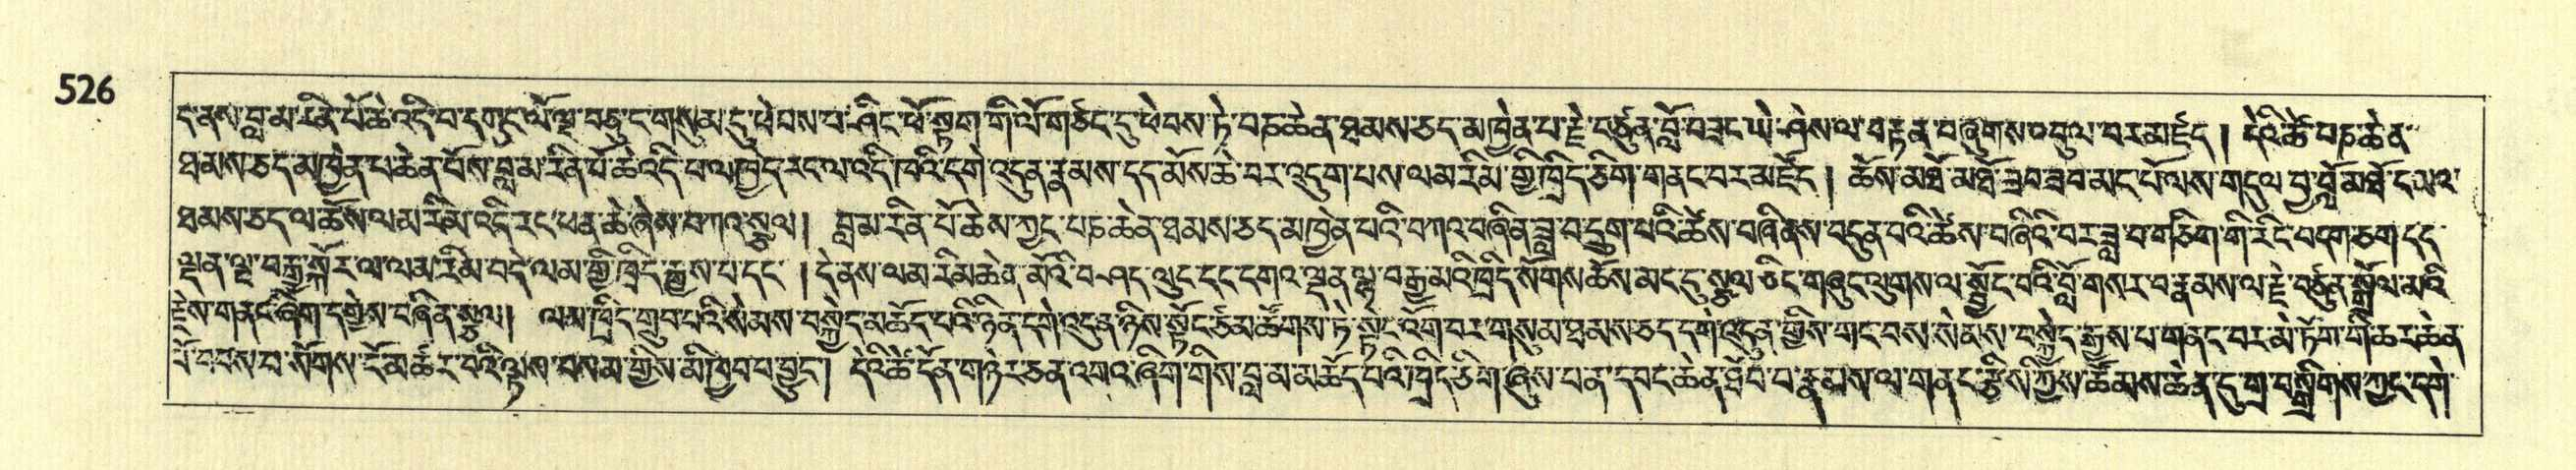ད་ནས་བླ་མ་རིན་པོ་ཆེ་འདི་བ་དགུང་ལོ་ལྔ་བཅུ་ང་གསུམ་དུ་ཕེབས་པ་ཤིང་ཕོ་སྟག་གི་ལོ་གཙང་དུ་ཕེབས་ཏེ་པཎ་ཆེན་ཐམས་ཅད་མཁྱེན་པ་རྗེ་བཙུན་བློ་བཟང་ཡེ་ཤེས་ལ་བརྟན་བཞུགས་འབུལ་བར་མཛད། དེའི་ཚེ་པཎ་ཆེན་
ཐམས་ཅད་མཁྱེན་པ་ཆེན་པོས་བླ་མ་རིན་པོ་ཆེ་འདི་པ་ལ་ཁྱེད་རང་ལ་འདི་ཁའི་དགེ་འདུན་རྣམས་དད་མོས་ཆེ་བར་འདུག་པས་ལམ་རིམ་གྱི་ཁྲིད་ཅིག་གནང་བར་མཛོད། ཆོས་མཐོ་མཐོ་ཟབ་ཟབ་མང་པོ་ལས་གདུལ་བྱ་བློ་མཐོ་དམའ་
ཐམས་ཅད་ལ་ཆོས་ལམ་རིམ་འདི་རང་ཕན་ཆེ་ཞེས་བཀའ་སྩལ། བླ་མ་རིན་པོ་ཆེས་ཀྱང་པཎ་ཆེན་ཐམས་ཅད་མཁྱེན་པའི་བཀའ་བཞིན་ཟླ་བ་དྲུག་པའི་ཚེས་བཞི་ནས་བདུན་པའི་ཚེས་བཞིའི་བར་ཟླ་བ་གཅིག་གི་རིང་བདག་ཅག་དད་
ལྡན་ལྔ་བརྒྱ་སྐོར་ལ་ལམ་རིམ་བདེ་ལམ་གྱི་ཁྲིད་རྒྱས་པ་དང་། དེ་ནས་ལམ་རིམ་ཆེན་མོའི་བཤད་ལུང་དང་དགའ་ལྡན་ལྷ་བརྒྱ་མའི་ཁྲིད་སོགས་ཆོས་མང་དུ་སྩལ་ཅིང་གཞུང་ལུགས་ལ་སྦྱོང་བའི་བློ་གསར་བ་རྣམས་ལ་རྗེ་བཙུན་སྒྲོལ་མའི་
རྗེས་གནང་ཞིག་དགྱེས་བཞིན་སྩལ། ལམ་ཁྲིད་གྲུབ་པའི་སེམས་བསྐྱེད་མཆོད་པའི་ཉིན་དགེ་འདུན་གྱིས་སྟོང་ཙམ་ཚོགས་ཏེ་སྟེང་འོག་བར་གསུམ་ཐམས་ཅད་དགེ་འདུན་གྱིས་གང་བས་སེམས་བསྐྱེད་རྒྱས་པ་གནང་བར་མེ་ཏོག་གི་ཆར་ཆེན་
པོ་བབས་བ་སོགས་ངོ་མཚར་བའི་ལྟས་བསམ་གྱིས་མི་ཁྱབ་པ་བྱུང་། དེའི་ཚེ་དོན་གཉེར་ཅན་འགའ་ཞིག་གིས་བླ་མ་མཆོད་པའི་ཁྲིད་ཅིག་ཞུས་པ་ན་དབང་ཆེན་ཐོབ་བ་རྣམས་ལ་གནང་རྩིས་ཀྱིས་ཚོམས་ཆེན་དུ་གྲ་བསྒྲིགས་ཀྱང་དགེ་